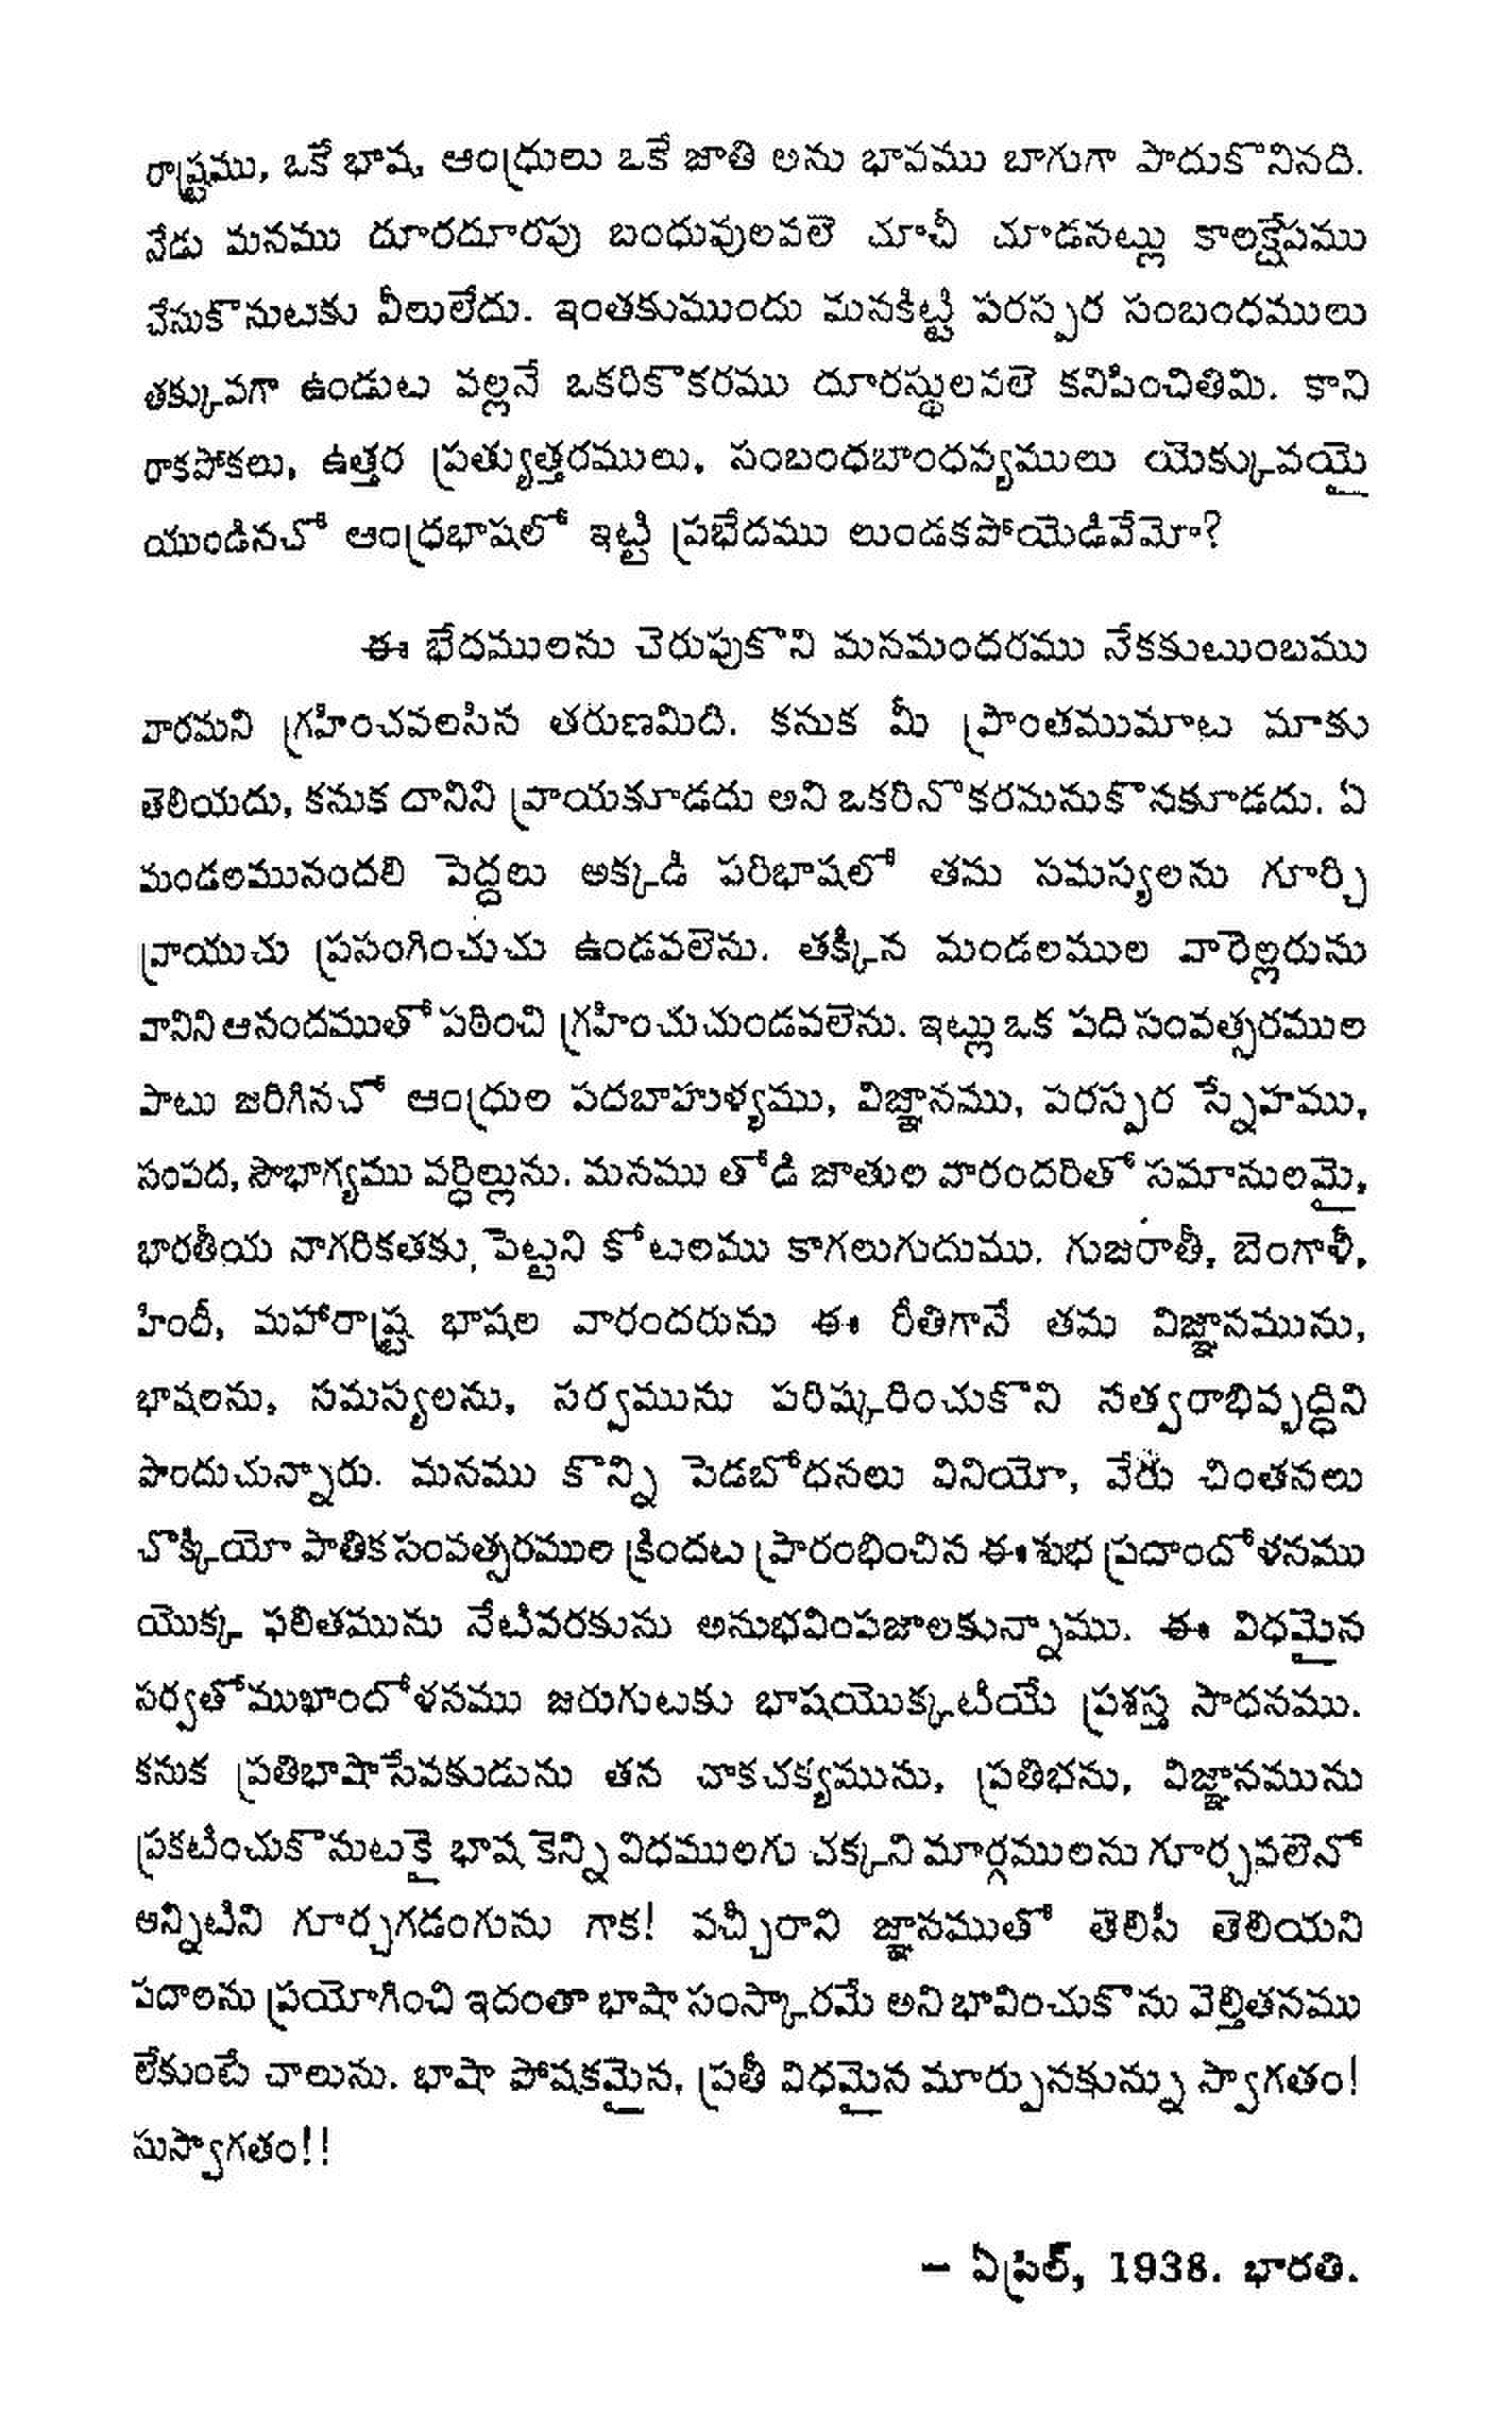రాష్ట్రము, ఒకే భాష, ఆంధ్రులు ఒకే జాతి అను భావము బాగుగా పాదుకొనినది. నేడు మనము దూరదూరపు బంధువులవలె చూచీ చూడనట్లు కాలక్షేపము చేసుకొనుటకు వీలులేదు. ఇంతకుముందు మనకిట్టి పరస్పర సంబంధములు తక్కువగ ఉండుట వల్లనే ఒకరికొకరము దూరస్థులవలె కనిపించితిమి. కాని రాకపోలు, ఉత్తర ప్రత్యుత్తరములు, సంబంధబాంధవ్యములు యెక్కువయై యుండినచో ఆంధ్రభాషలో ఇట్టి ప్రభేదము లుండకపోయెడివేమో?

ఈ భేదములను చెరుపుకొని మనమందరము నేకకుటుంబము వారమని గ్రహించవలసిన తరుణమిది. కనుక మీ ప్రాంతముమాట మాకు తెలియదు, కనుక దానిని వ్రాయకూడదు అని ఒకరినొకరమనుకొనకూడదు. ఏ మండలమునందలి పెద్దలు అక్కడి పరిభాషలో తమ సమస్యలను గూర్చి వ్రాయుచు ప్రసంగించుచు ఉండవలెను. తక్కిన మండలముల వారెల్లరును వానిని ఆనందముతో పఠించి గ్రహించుచుండవలెను. ఇట్లు ఒక పది సంవత్సరముల పాటు జరిగినచో ఆంధ్రుల పదబాహుళ్యము, విజ్ఞానము, పరస్పర స్నేహము, సంపద, సౌభాగ్యము వర్ధిల్లును. మనము తోడి జాతుల వారందరితో సమానులమై, భారతీయ నాగరికతకు పెట్టని కోటలము కాగలుగుదుము. గుజరాతీ, బెంగాళీ, హిందీ, మహారాష్ట్ర భాషల వారందరును ఈ రీతిగానే తమ విజ్ఞానమును, భాషలను, సమస్యలను, సర్వమును పరిష్కరించుకొని సత్వరాభివృద్ధిని పొందుచున్నారు. మనము కొన్ని పెడబోధనలు వినియో, వేరు చింతనలు చొక్కియో పాతిక సంవత్సరముల క్రిందట ప్రారంభించిన ఈ శుభ ప్రదాందోళనము యొక్క ఫలితమును నేటివరకును అనుభవింపజాలకున్నాము. ఈ విధమైన సర్వతోముఖాందోళనము జరుగుటకు భాషయొక్కటియే ప్రశస్త సాధనము. కనుక ప్రతిభాషాసేవకుడును తన చాకచక్యమును, ప్రతిభను, విజ్ఞానమును ప్రకటించుకొనుటకై భాష కెన్ని విధములగు చక్కని మార్గములను గూర్చవలెనో అన్నిటిని గూర్చగడంగును గాక! వచ్చీరాని జ్ఞానముతో తెలిసి తెలియని పదాలను ప్రయోగించి ఇదంతా భాషా సంస్కారమే అనిభావించుకొను వెల్తితనము లేకుంటే చాలును. భాషా పోషకమైన, ప్రతీ విధమైన మార్పునకున్ను స్వాగతం సుస్వాగతం!